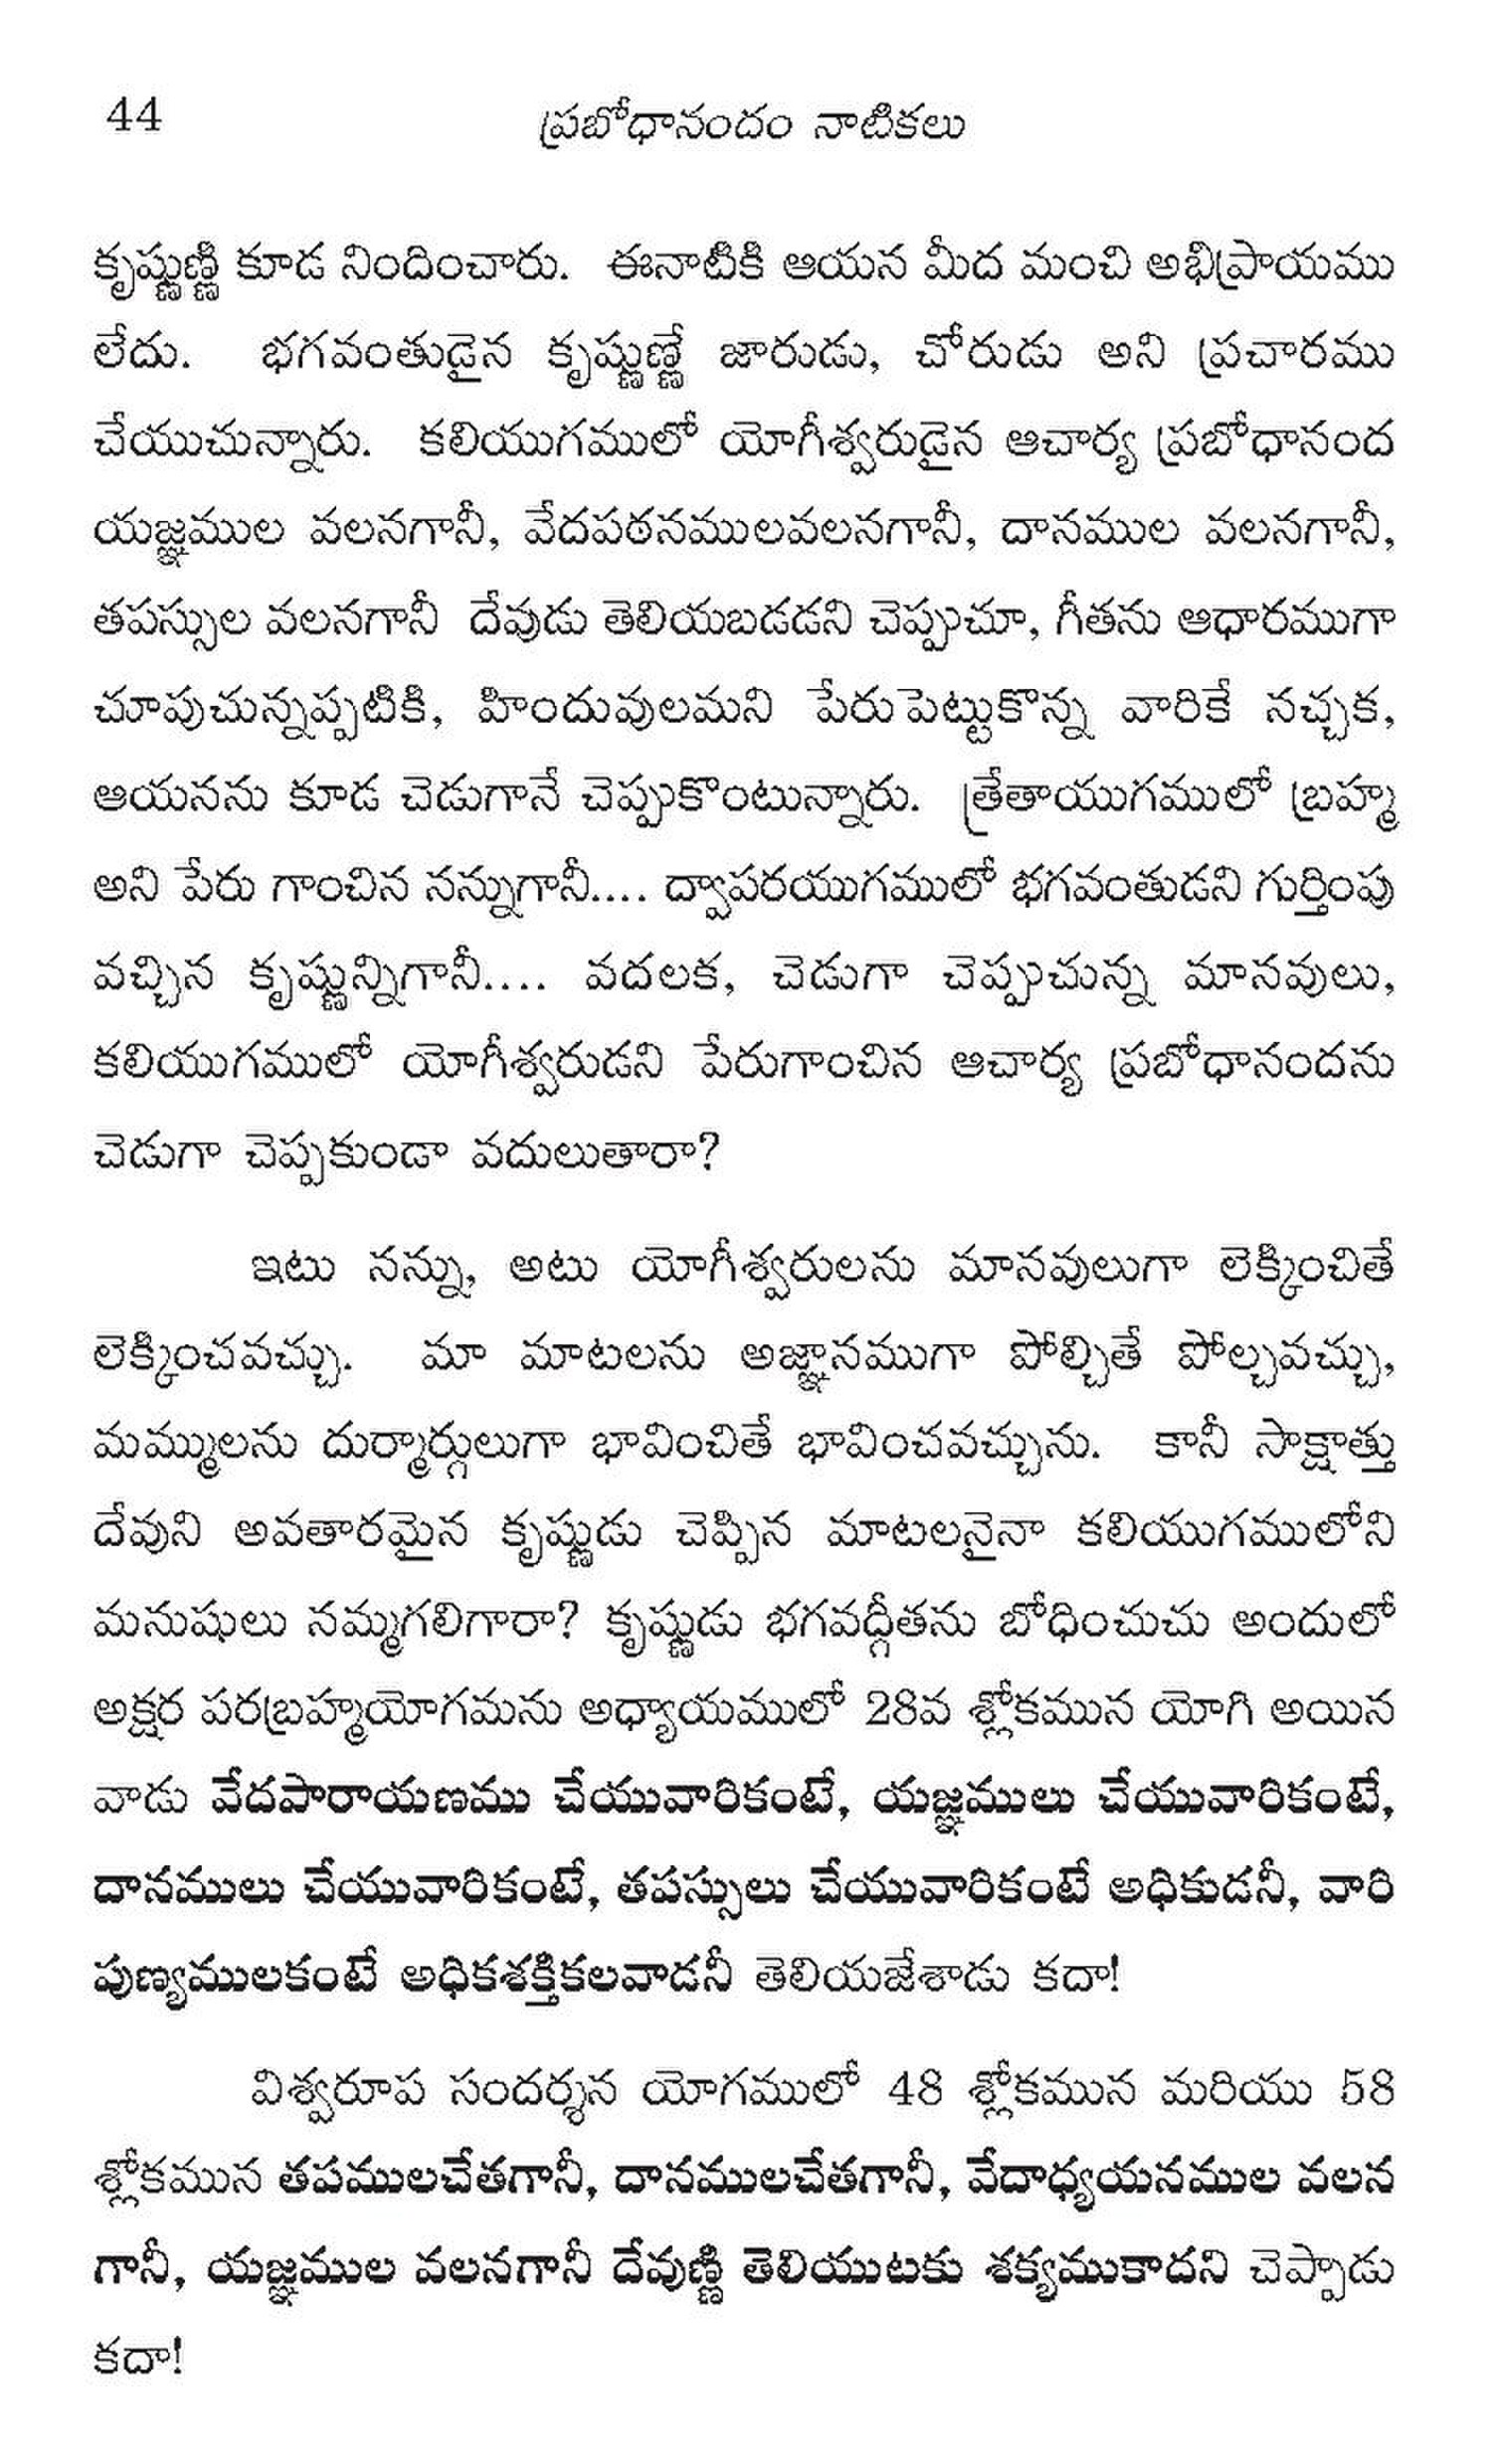కృష్ణుణ్ణి కూడ నిందించారు. ఈనాటికి ఆయన మీద మంచి అభిప్రాయము లేదు. భగవంతుడైన కృష్ణుణ్ణే జారుడు, చోరుడు అని ప్రచారము చేయుచున్నారు. కలియుగములో యోగీశ్వరుడైన ఆచార్య ప్రబోధానంద యజ్ఞముల వలనగానీ, వేదపఠనములవలనగానీ, దానముల వలనగానీ, తపస్సుల వలనగానీ దేవుడు తెలియబడడని చెప్పుచూ, గీతను ఆధారముగా చూపుచున్నప్పటికి, హిందువులమని పేరుపెట్టుకొన్న వారికే నచ్చక, ఆయనను కూడ చెడుగానే చెప్పుకొంటున్నారు. త్రేతాయుగములో బ్రహ్మ అని పేరు గాంచిన నన్నుగానీ.... ద్వాపరయుగములో భగవంతుడని గుర్తింపు వచ్చిన కృష్ణున్నిగానీ.... వదలక, చెడుగా చెప్పుచున్న మానవులు, కలియుగములో యోగీశ్వరుడని పేరుగాంచిన ఆచార్య ప్రబోధానందను చెడుగా చెప్పకుండా వదులుతారా?
	
ఇటు నన్ను, అటు యోగీశ్వరులను మానవులుగా లెక్కించితే లెక్కించవచ్చు. మా మాటలను అజ్ఞానముగా పోల్చితే పోల్చవచ్చు, మమ్ములను దుర్మార్గులుగా భావించితే భావించవచ్చును. కానీ సాక్షాత్తు దేవుని అవతారమైన కృష్ణుడు చెప్పిన మాటలనైనా కలియుగములోని మనుషులు నమ్మగలిగారా? కృష్ణుడు భగవద్గీతను బోధించుచు అందులో అక్షర పరబ్రహ్మయోగమను అధ్యాయములో 28వ శ్లోకమున యోగి అయిన వాడు వేదపారాయణము చేయువారికంటే, యజ్ఞములు చేయువారికంటే, దానములు చేయువారికంటే, తపస్సులు చేయువారికంటే అధికుడనీ, వారి పుణ్యములకంటే అధికశక్తికలవాడనీ తెలియజేశాడు కదా!
	
విశ్వరూప సందర్శన యోగములో 48 శ్లోకమున మరియు 58 శ్లోకమున తపములచేతగానీ, దానములచేతగానీ, వేదాధ్యయనముల వలన గానీ, యజ్ఞముల వలనగానీ దేవుణ్ణి తెలియుటకు శక్యముకాదని చెప్పాడు కదా!